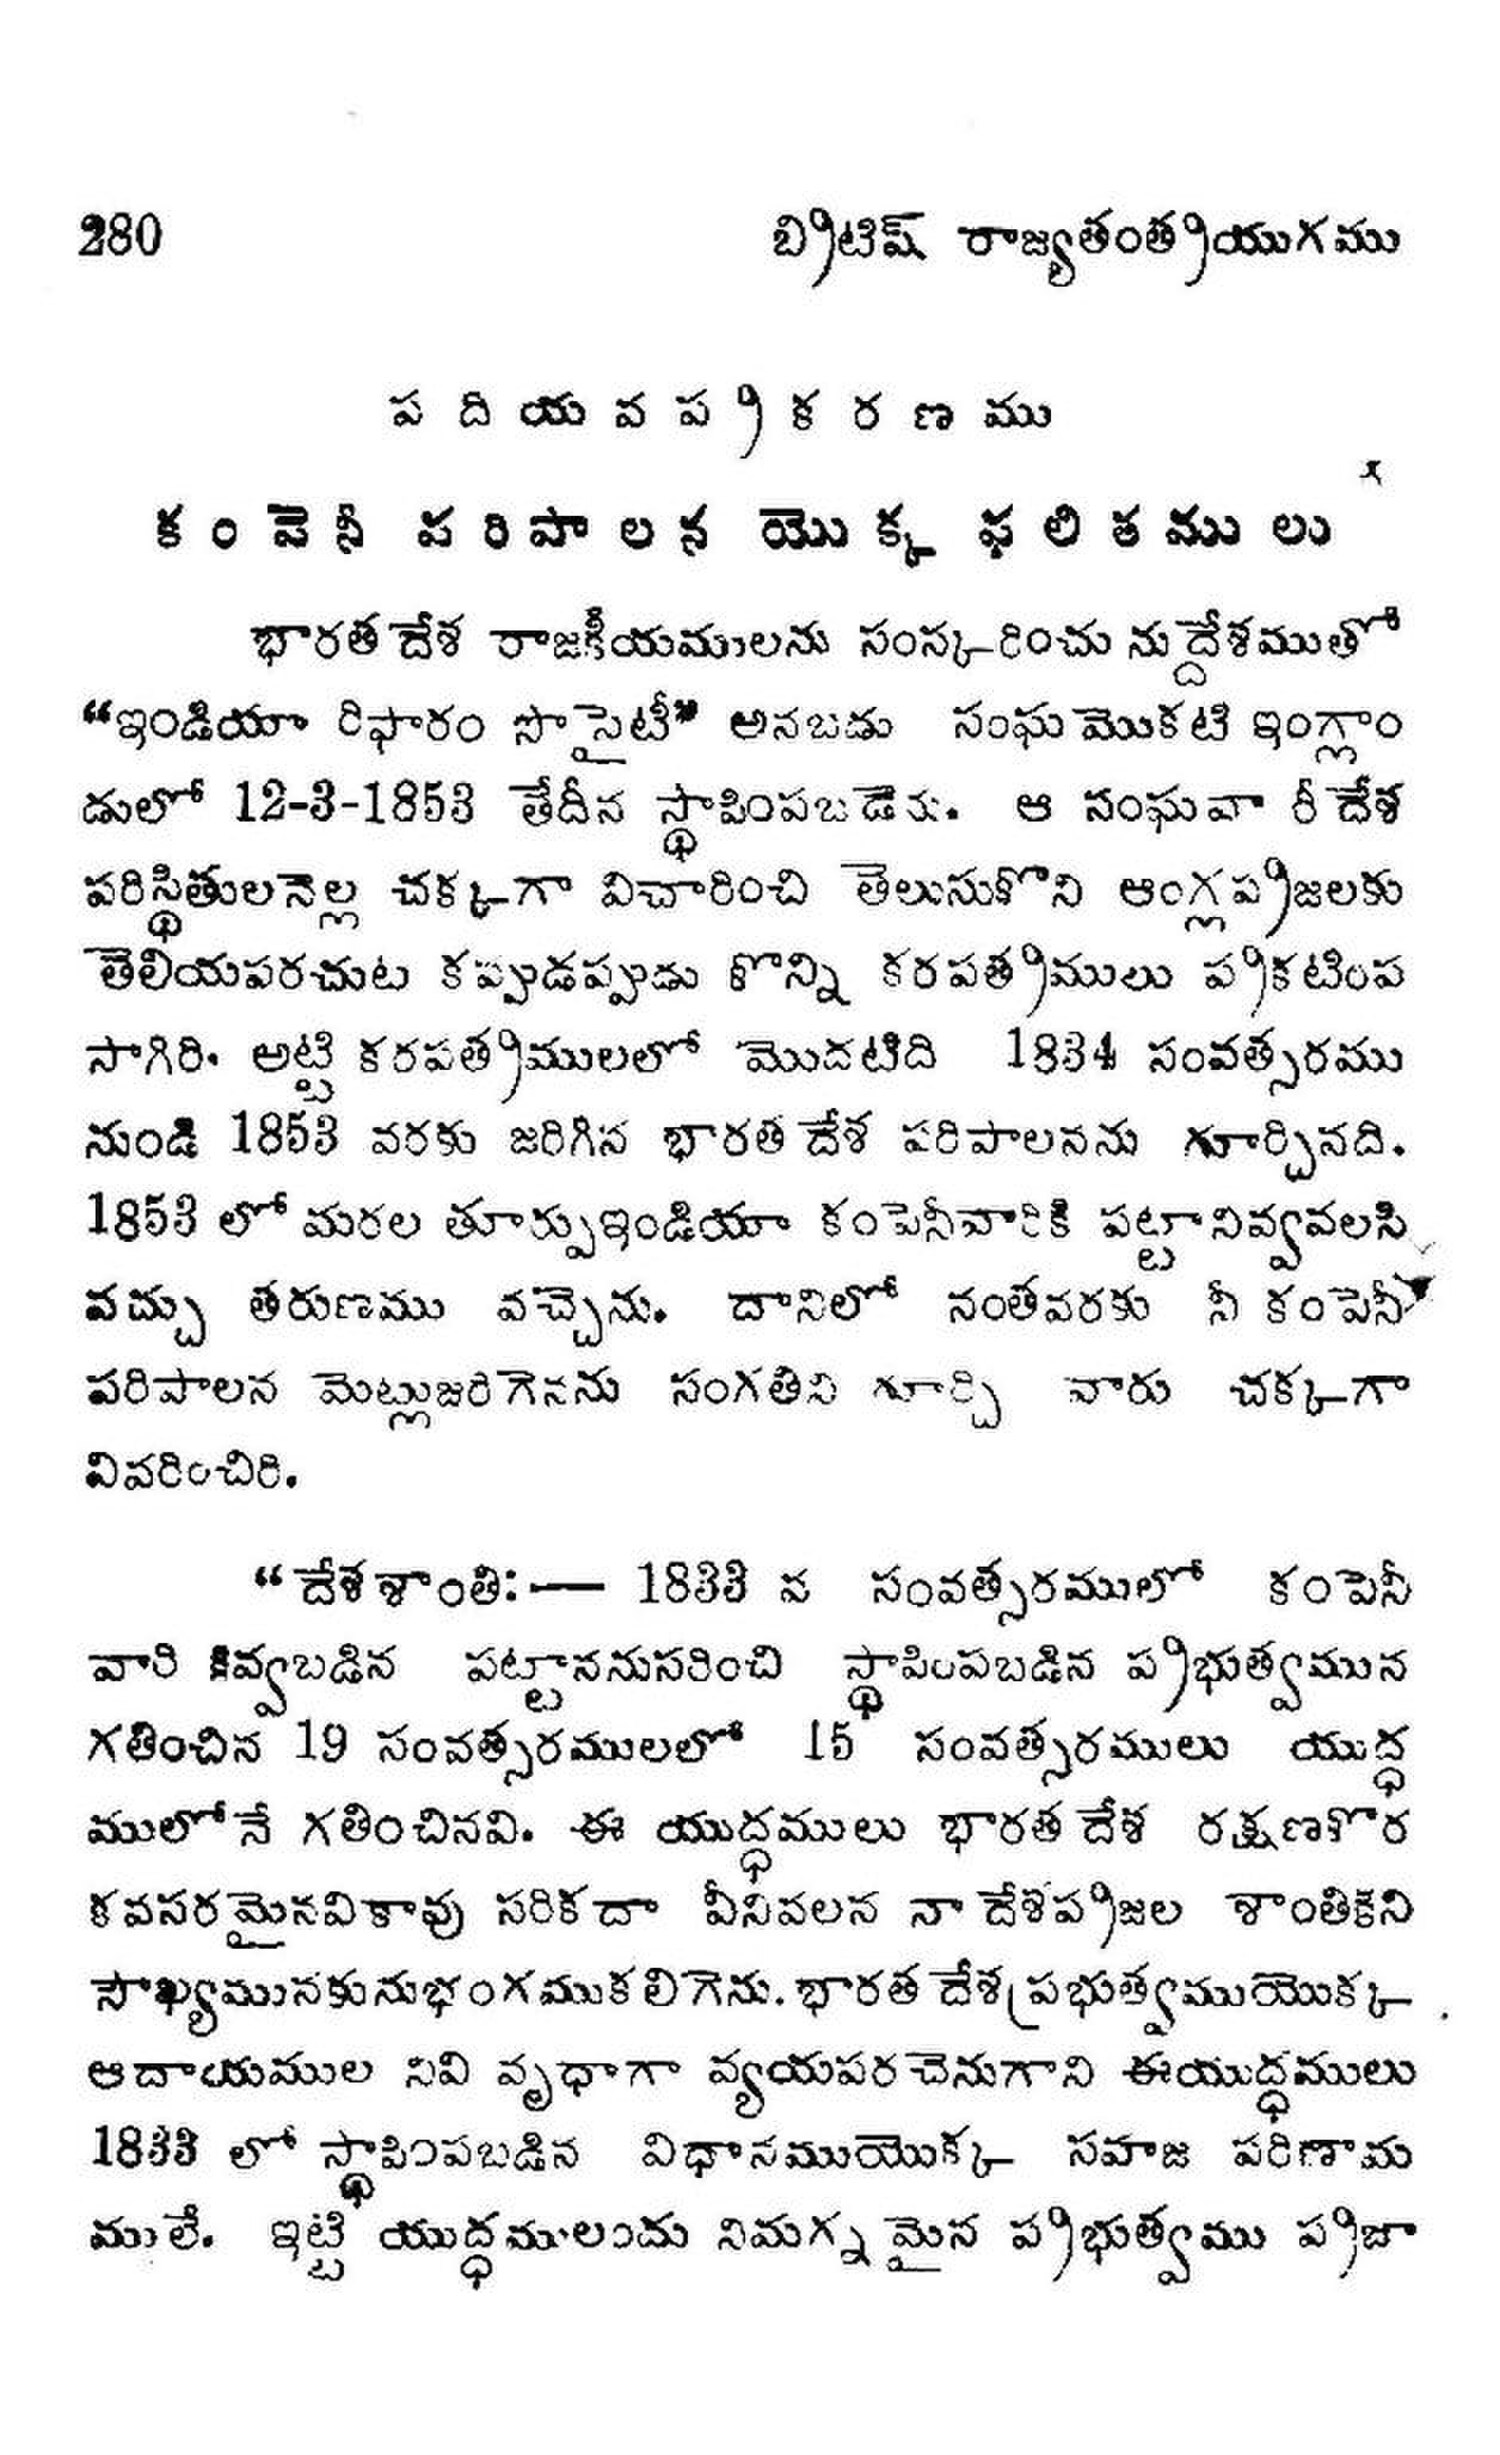పదియవ ప్రకరణము 
కంపెనీ పరిపాలన యొక్క ఫలితములు

భారతదేశ రాజకీయములను సంస్కరించు నుద్దేశముతో “ఇండియా రిఫారం సొసైటీ" అనబడు సంఘమొకటి ఇంగ్లాండులో 12-3-1853 తేదీన స్థాపింపబడెను. ఆ సంఘవా రీ దేశపరిస్థితులనెల్ల చక్కగా విచారించి తెలుసుకొని ఆంగ్లప్రజలకు తెలియపరచుట కప్పుడప్పుడు కొన్ని కరపత్రములు ప్రకటింపసాగిరి. అట్టి కరపత్రములలో మొదటిది 1834 సంవత్సరము నుండి 1853 వరకు జరిగిన భారతదేశ పరిపాలనను గూర్చినది. 1853 లో మరల తూర్పుఇండియా కంపెనీవారికి పట్టానివ్వవలసివచ్చు తరుణము వచ్చెను. దానిలో నంతవరకు నీ కంపెనీ పరిపాలన మెట్లుజరిగెనను సంగతిని గూర్చి వారు చక్కగా వివరించిరి.

"దేశశాంతి:- 1833 వ సంవత్సరములో కంపెనీవారి కివ్వబడిన పట్టాననుసరించి స్థాపింపబడిన ప్రభుత్వమున గతించిన 19 సంవత్సరములలో 15 సంవత్సరములు యుద్ధములోనే గతించినవి. ఈ యుద్ధములు భారతదేశ రక్షణకొర కవసరమైనవికావు సరికదా వీనివలన నా దేశప్రజల శాంతికిని సౌఖ్యమునకును భంగముకలిగెను. భారతదేశ ప్రభుత్వముయొక్క . ఆదాయముల నివి వృధాగా వ్యయపరచెనుగాని ఈ యుద్ధములు 1833 లో స్థాపింపబడిన విధానముయొక్క సహజ పరిణామములే. ఇట్టి యుద్ధములందు నిమగ్నమైన ప్రభుత్వము ప్రజా